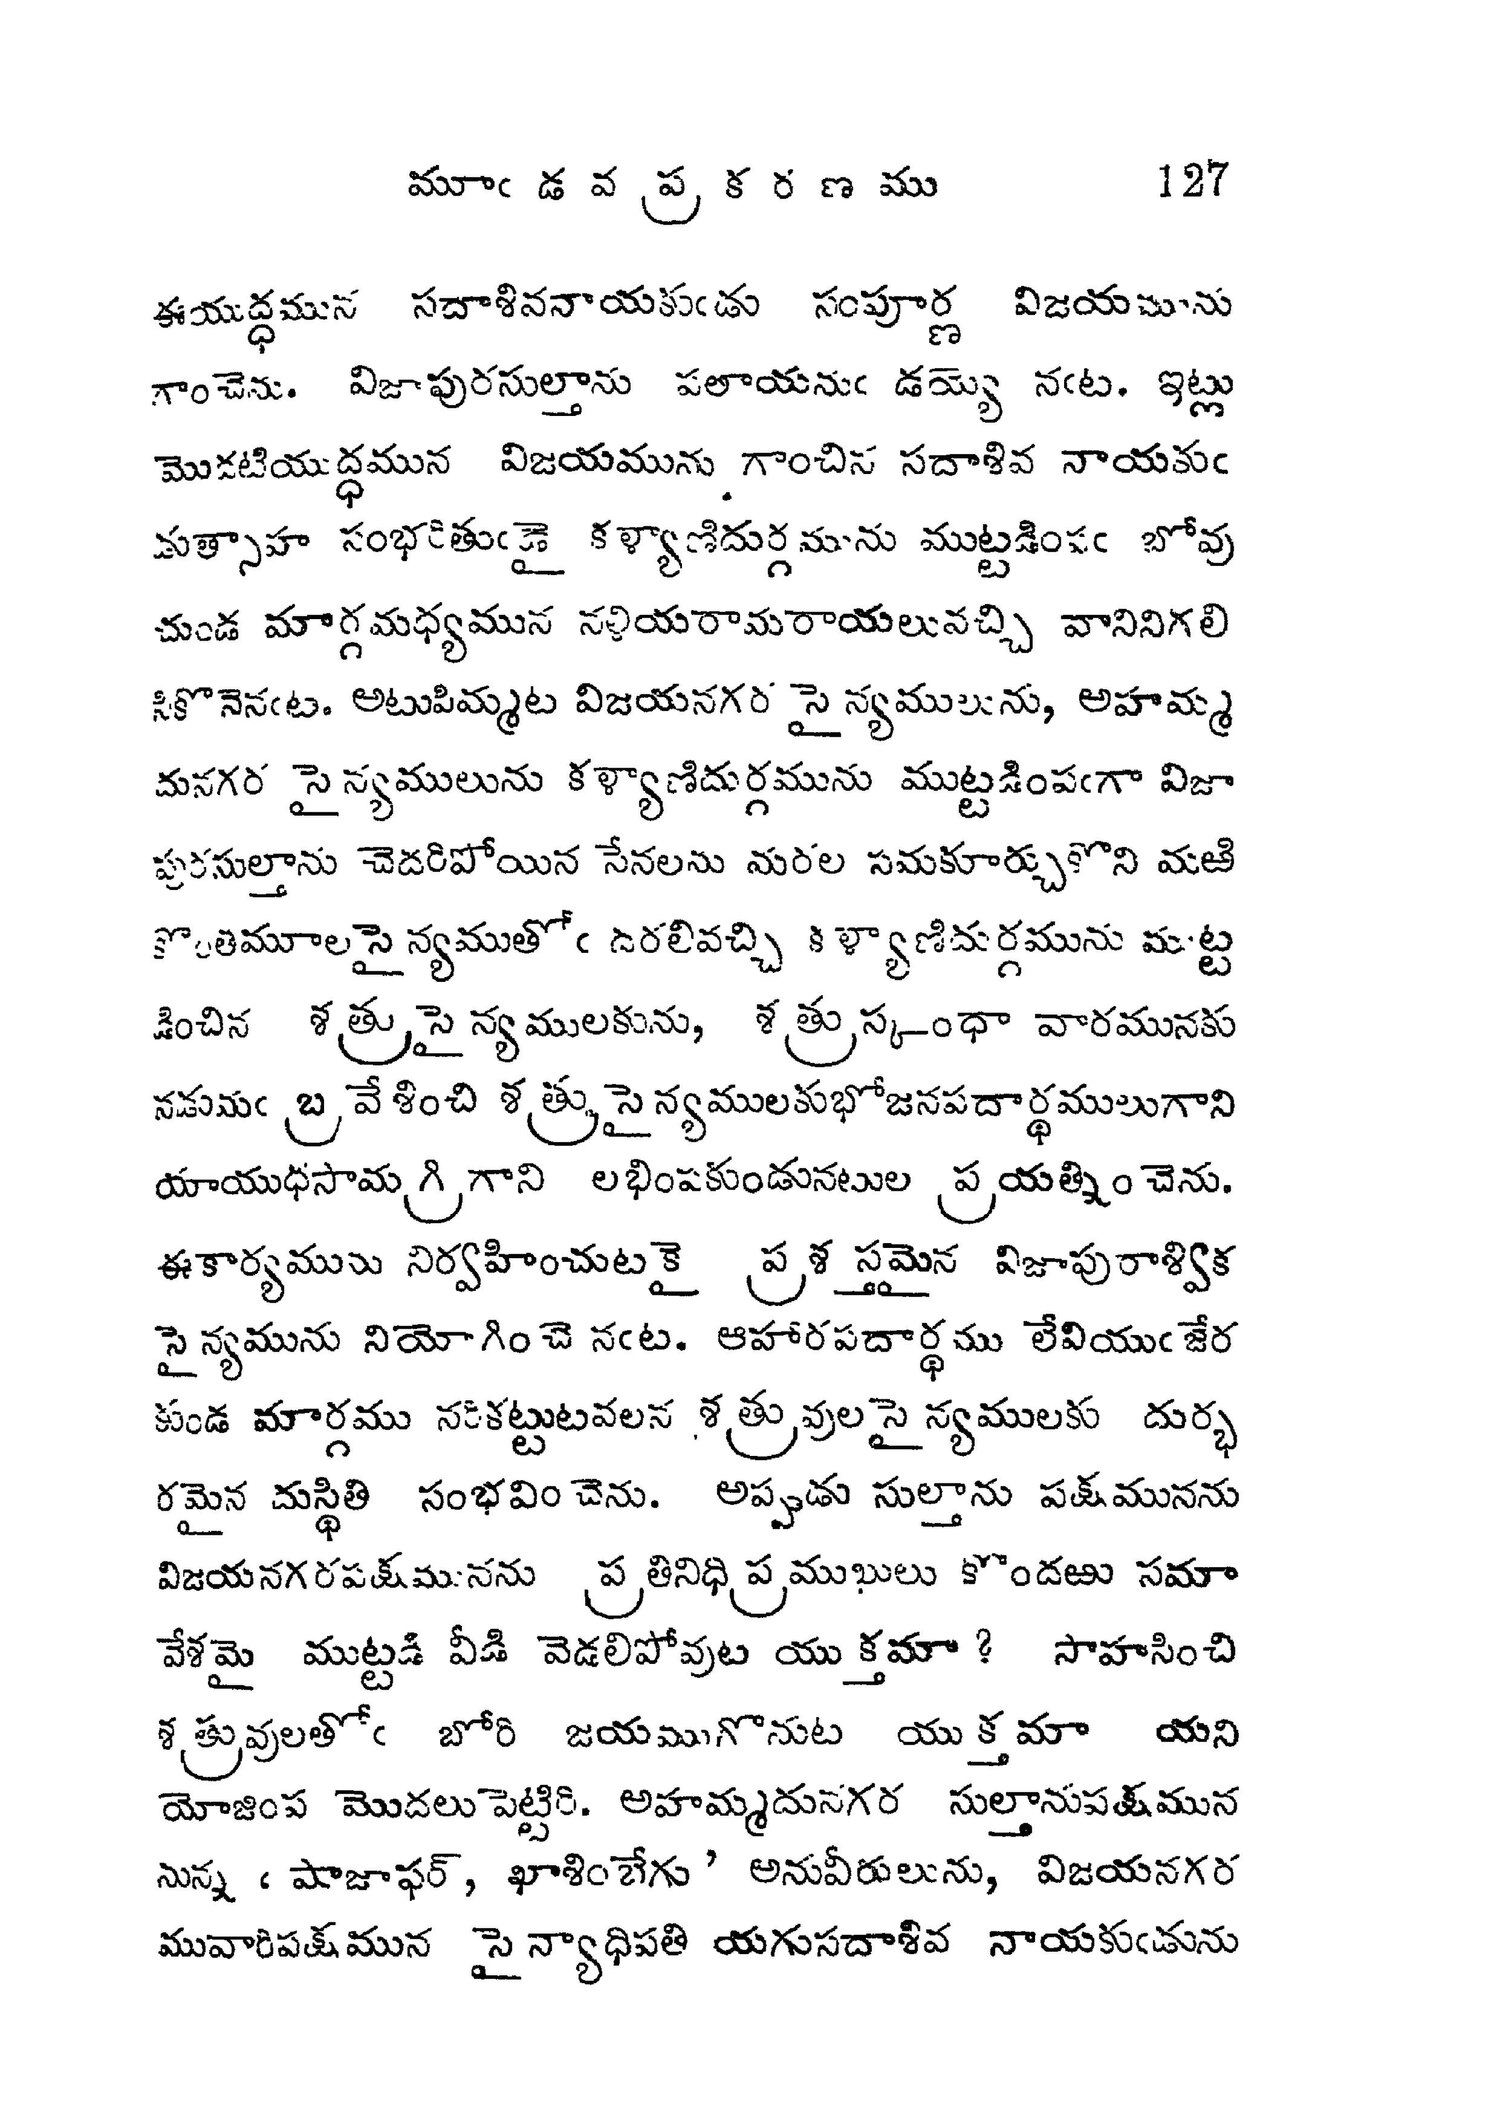ఈయుద్ధమున సదాశివనాయకుడు సంపూర్ణ విజయమును గాంచెను. విజాపురసుల్తాను పలాయను డయ్యె నట. ఇట్లు మొదటియుద్ధమున విజయమును గాంచిన సదాశివ నాయకుడుత్సాహ సంభరితుడై కళ్యాణిదుర్గమును ముట్టడింప బోవుచుండ మార్గమధ్యమున నళియరామరాయలువచ్చి వానినిగలిసికొనెనట. అటుపిమ్మట విజయనగర సైన్యములును, అహమ్మదునగర సైన్యములును కళ్యాణిదుర్గమును ముట్టడింపగా విజాపురసుల్తాను చెదరిపోయిన సేనలను మరల సమకూర్చుకొని మఱికొంతమూలసైన్యముతో దరలివచ్చి కళ్యాణిదుర్గమును ముట్టడించిన శత్రుసైన్యములకును, శత్రుస్కంధా వారమునకు నడుమ బ్రవేశించి శత్రుసైన్యములకు భోజనపదార్థములుగాని యాయుధసామగ్రిగాని లభింపకుండునటుల ప్రయత్నించెను. ఈకార్యమును నిర్వహించుటకై ప్రశస్తమైన విజాపురాశ్విక సైన్యమును నియోగించె నట. ఆహారపదార్థము లేవియు జేరకుండ మార్గము నరికట్టుటవలన శత్రువులసైన్యములకు దుర్భరమైన దుస్థితి సంభవించెను. అప్పుడు సుల్తాను పక్షమునను విజయనగరపక్షమునను ప్రతినిధిప్రముఖులు కొందఱు సమావేశమై ముట్టడి వీడి వెడలిపోవుట యుక్తమా? సాహసించి శత్రువులతో బోరి జయముగొనుట యుక్తమా యని యోజింప మొదలుపెట్టిరి. అహమ్మదునగర సుల్తానుపక్షమున నున్న 'షాజాఫర్, ఖాశింబేగు' అనువీరులును, విజయనగరమువారిపక్షమున సైన్యాధిపతి యగుసదాశివ నాయకుడును